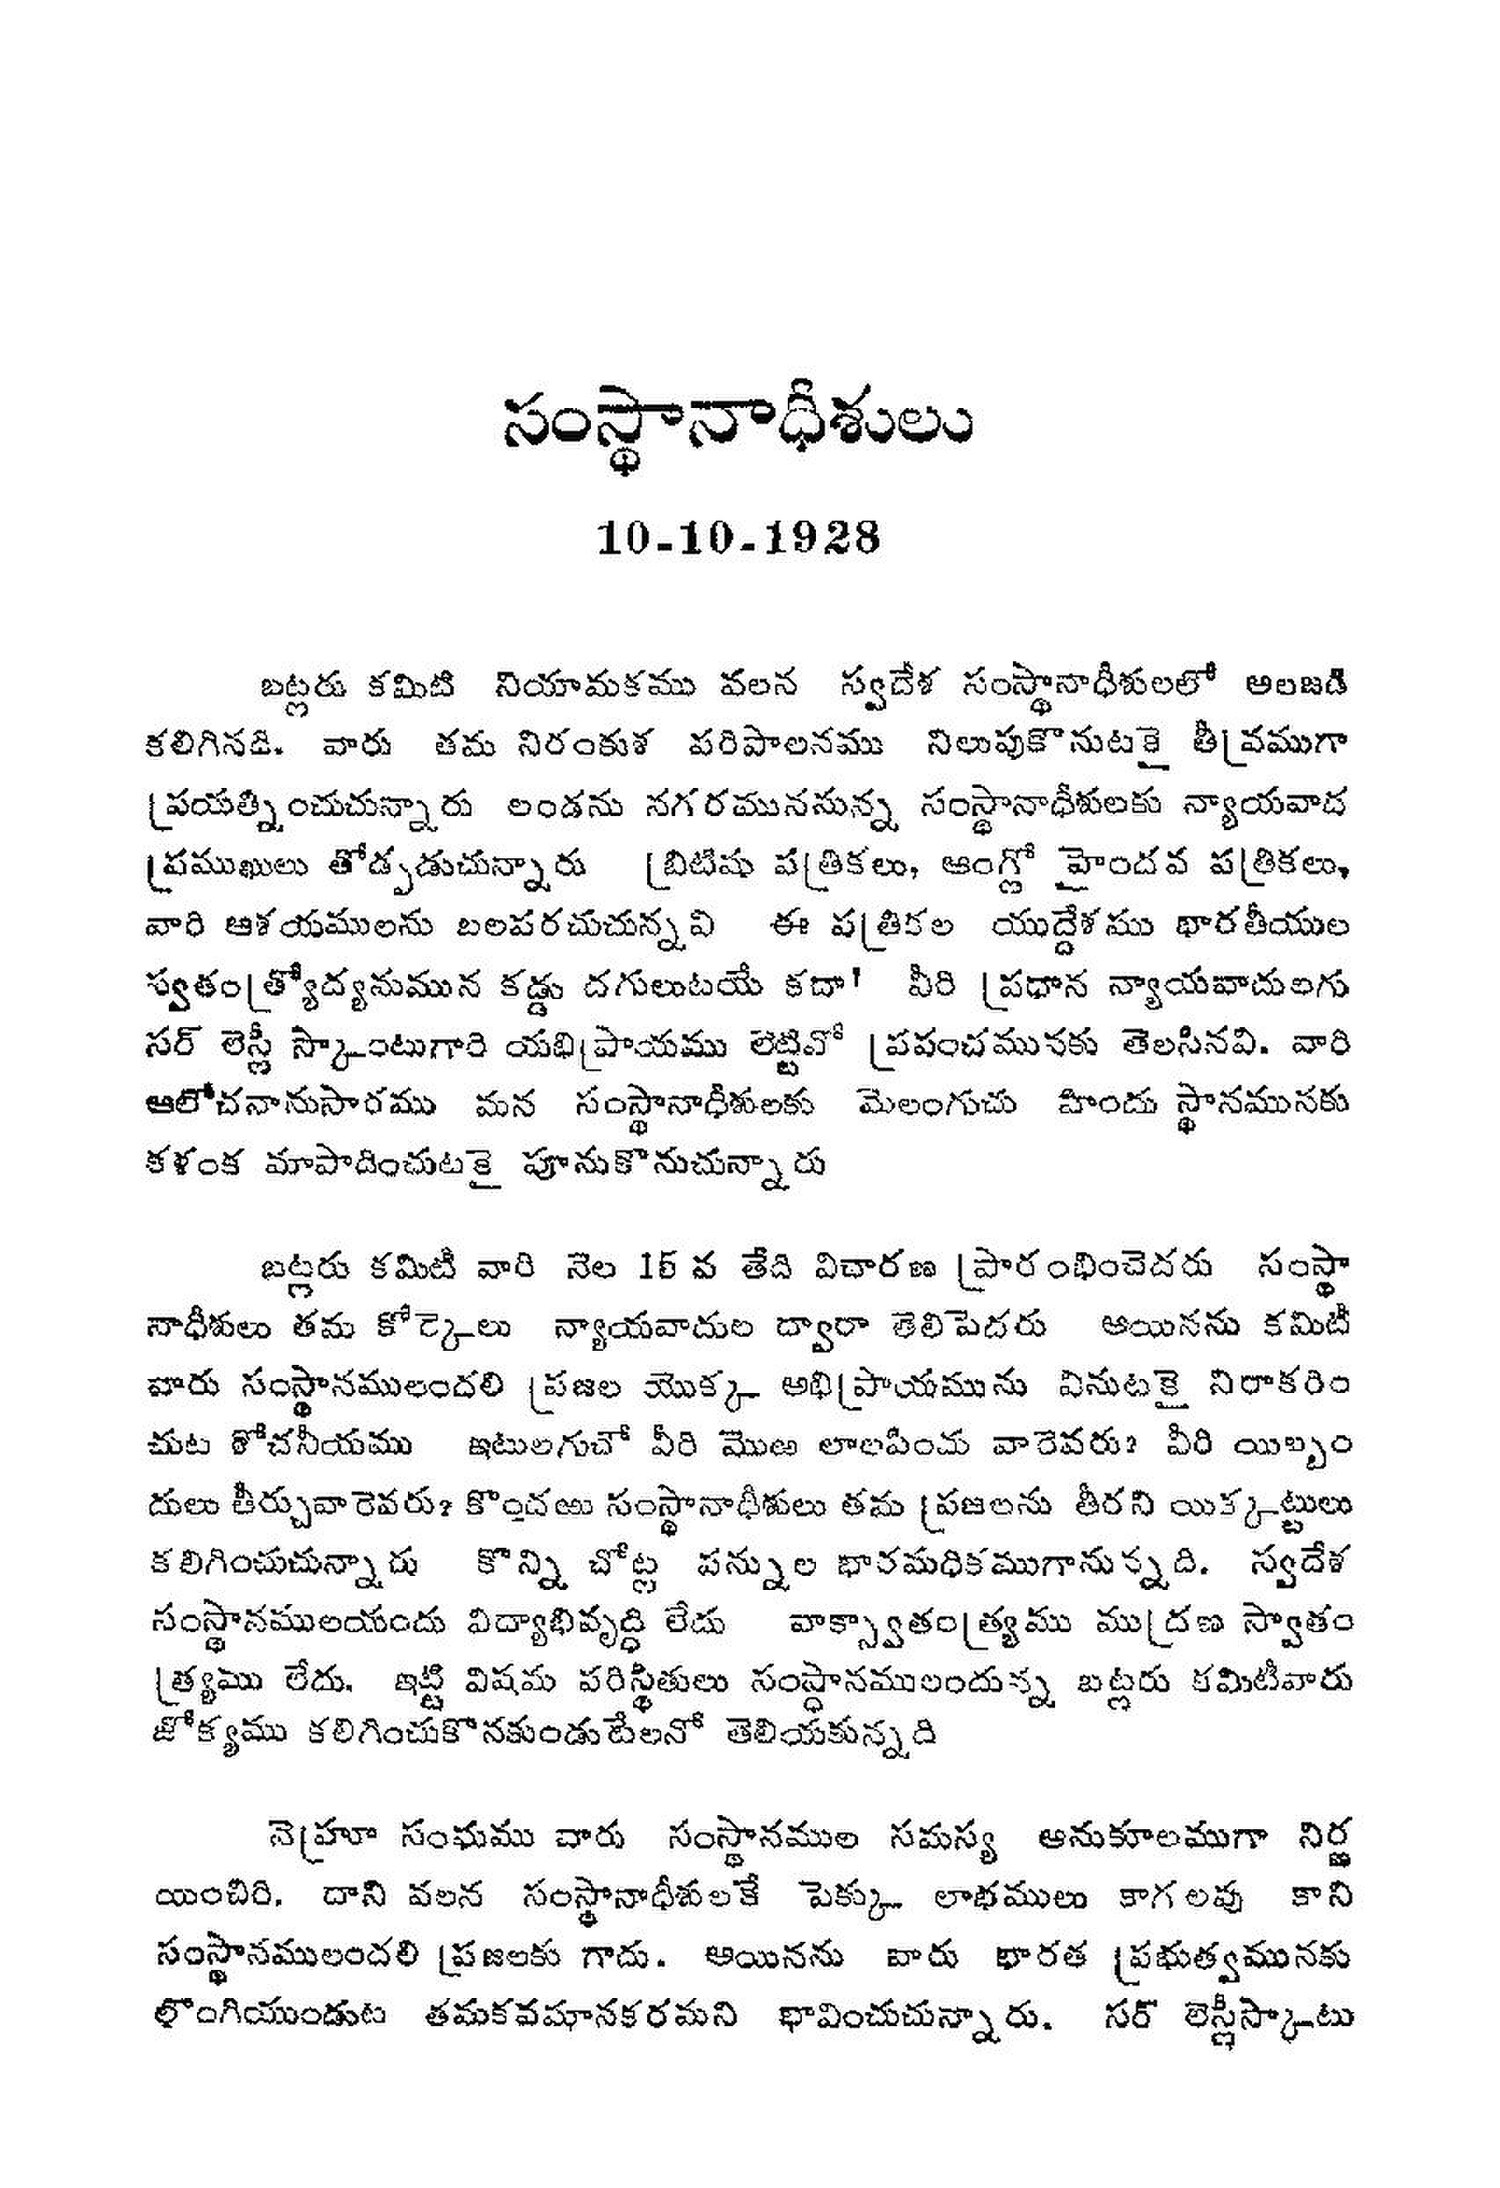సంస్థానాధీశులు

10 - 10 - 1928

బట్లరు కమిటి నియామకము వలన స్వదేశ సంస్థానాధీశులలో అలజడి కలిగినది. వారు తమ నిరంకుశ పరిపాలనము నిలుపుకొనుటకై తీవ్రముగా ప్రయత్నించుచున్నారు లండను నగరముననున్న సంస్థానాధీశులకు న్యాయవాద ప్రముఖులు తోడ్పడుచున్నారు బ్రిటిషు పత్రికలు, ఆంగ్లో హైందవ పత్రికలు, వారి ఆశయములను బలపరచుచున్నవి ఈ పత్రికల యుద్దేశము భారతీయుల స్వతంత్ర్యోద్యమమున కడ్డు దగులుటయే కదా! వీరి ప్రధాన న్యాయవాదులగు సర్ లెస్లీ స్కాంటుగారి యభిప్రాయము లెట్టివో ప్రపంచమునకు తెలసినవి. వారి ఆలోచనానుసారము మన సంస్థానాధీశులకు మెలంగుచు హిందు స్థానమునకు కళంక మాపాదించుటకై పూనుకొనుచున్నారు

బట్లరు కమిటీ వారి నెల 15 వ తేది విచారణ ప్రారంభించెదరు సంస్థానాధీశులు తమ కోర్కెలు న్యాయవాదుల ద్వారా తెలిపెదరు అయినను కమిటీవారు సంస్థానములందలి ప్రజల యొక్క అభిప్రాయమును వినుటకై నిరాకరించుట శోచనీయము ఇటులగుచో వీరి మొఱ లాలపించు వారెవరు? వీరి యిబ్బందులు తీర్చువారెవరు? కొందఱు సంస్థానాధీశులు తమ ప్రజలను తీరని యిక్కట్టులు కలిగించుచున్నారు కొన్ని చోట్ల పన్నుల భారమధికముగానున్నది. స్వదేశ సంస్థానములయందు విద్యాభివృద్ధి లేదు వాక్స్వాతంత్ర్యము ముద్రణ స్వాతంత్ర్యము లేదు. ఇట్టి విషమ పరిస్థితులు సంస్థానములందున్న బట్లరు కమిటీవారు జోక్యము కలిగించుకొనకుండుటేలనో తెలియకున్నది

నెహ్రూ సంఘము వారు సంస్థానముల సమస్య అనుకూలముగా నిర్ణయించిరి. దాని వలన సంస్థానాధీశులకే పెక్కు లాభములు కాగలవు కాని సంస్థానములందలి ప్రజలకు గాదు. అయినను వారు భారత ప్రభుత్వమునకు
లొంగియుండుట తమకవమానకరమని భావించుచున్నారు. సర్ లెస్లీస్కాటు